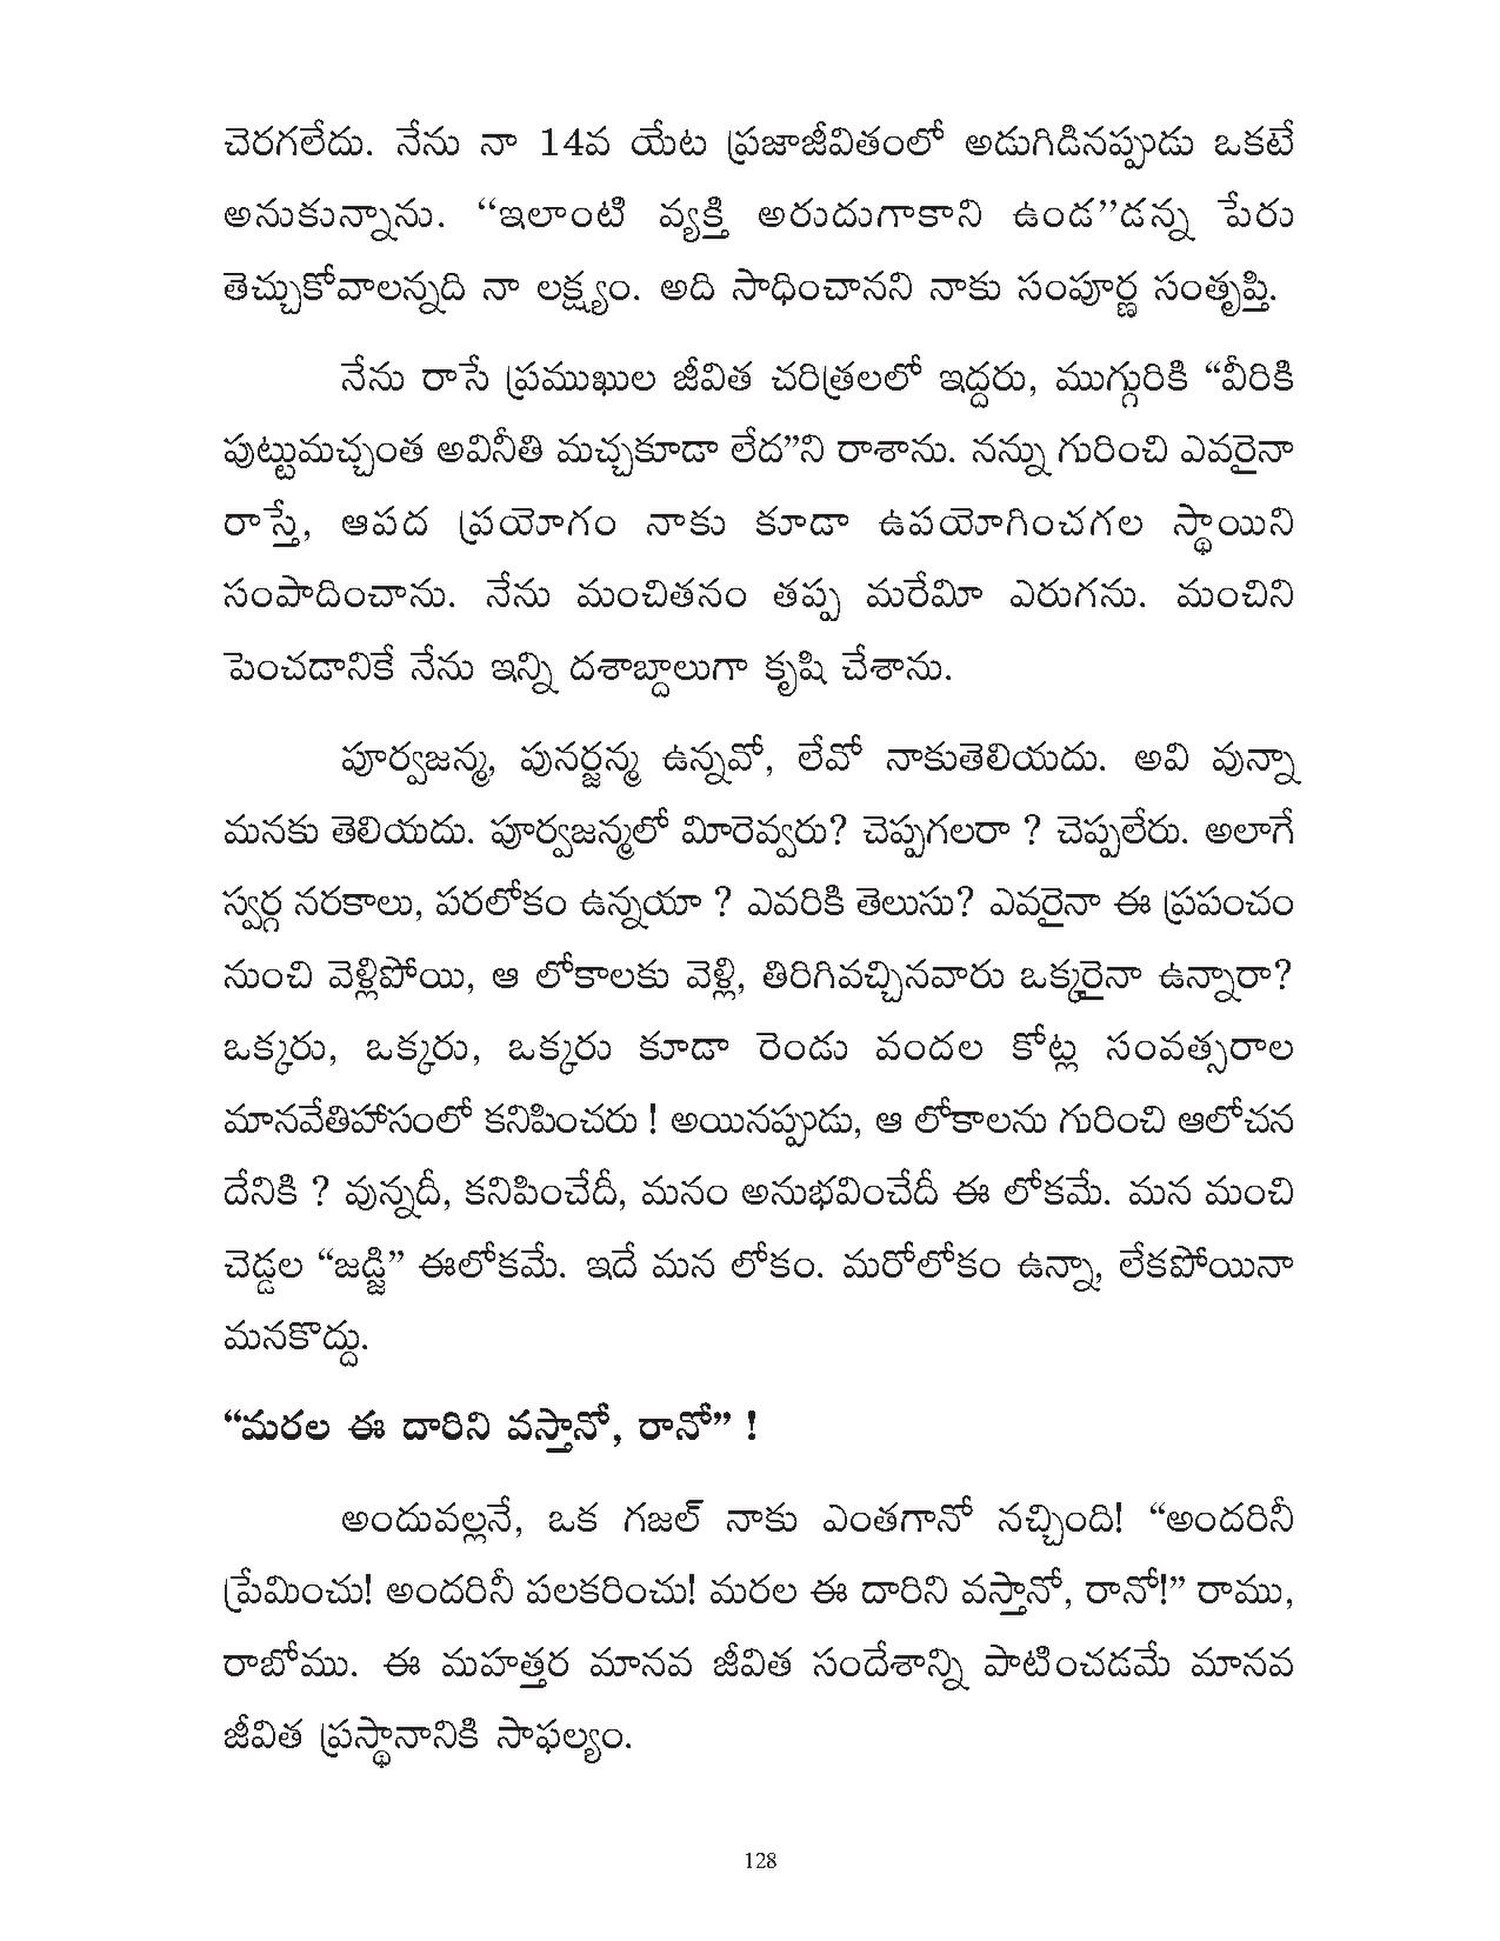చెరగలేదు. నేను నా 14వ యేట ప్రజాజీవితంలో అడుగిడినప్పుడు ఒకటే
అనుకున్నాను. "ఇలాంటి వ్యక్తి అరుదుగాకాని ఉండ"డన్న పేరు
తెచ్చుకోవాలన్నది నా లక్ష్యం. అది సాధించానని నాకు సంపూర్ణ సంతృప్తి.

నేను రాసే ప్రముఖుల జీవిత చరిత్రలలో ఇద్దరు, ముగ్గురికి "వీరికి
పుట్టుమచ్చంత అవినీతి మచ్చకూడా లేద"ని రాశాను. నన్ను గురించి ఎవరైనా
రాస్తే, ఆపద ప్రయోగం నాకు కూడా ఉపయోగించగల స్థాయిని
సంపాదించాను. నేను మంచితనం తప్ప మరేమీ ఎరుగను. మంచిని
పెంచడానికే నేను ఇన్ని దశాబ్దాలుగా కృషి చేశాను.

పూర్వజన్మ, పునర్జన్మ ఉన్నవో, లేవో నాకుతెలియదు. అవి వున్నా
మనకు తెలియదు. పూర్వజన్మలో మీరెవ్వరు? చెప్పగలరా ? చెప్పలేరు. అలాగే
స్వర్గ నరకాలు, పరలోకం ఉన్నయా ? ఎవరికి తెలుసు? ఎవరైనా ఈ ప్రపంచం
నుంచి వెళ్లిపోయి, ఆ లోకాలకు వెళ్లి, తిరిగివచ్చినవారు ఒక్కరైనా ఉన్నారా?
ఒక్కరు, ఒక్కరు, ఒక్కరు కూడా రెండు వందల కోట్ల సంవత్సరాల
మానవేతిహాసంలో కనిపించరు ! అయినప్పుడు, ఆ లోకాలను గురించి ఆలోచన
దేనికి ? వున్నదీ, కనిపించేదీ, మనం అనుభవించేదీ ఈ లోకమే. మన మంచి
చెడ్డల "జడ్జి" ఈలోకమే. ఇదే మన లోకం. మరోలోకం ఉన్నా, లేకపోయినా
మనకొద్దు.

"మరల ఈ దారిని వస్తానో, రానో" !

అందువల్లనే, ఒక గజల్‌ నాకు ఎంతగానో నచ్చింది! "అందరినీ
ప్రేమించు! అందరినీ పలకరించు! మరల ఈ దారిని వస్తానో, రానో!" రాము,
రాబోము. ఈ మహత్తర మానవ జీవిత సందేశాన్ని పాటించమే మానవ
జీవిత ప్రస్థానానికి సాఫల్యం.